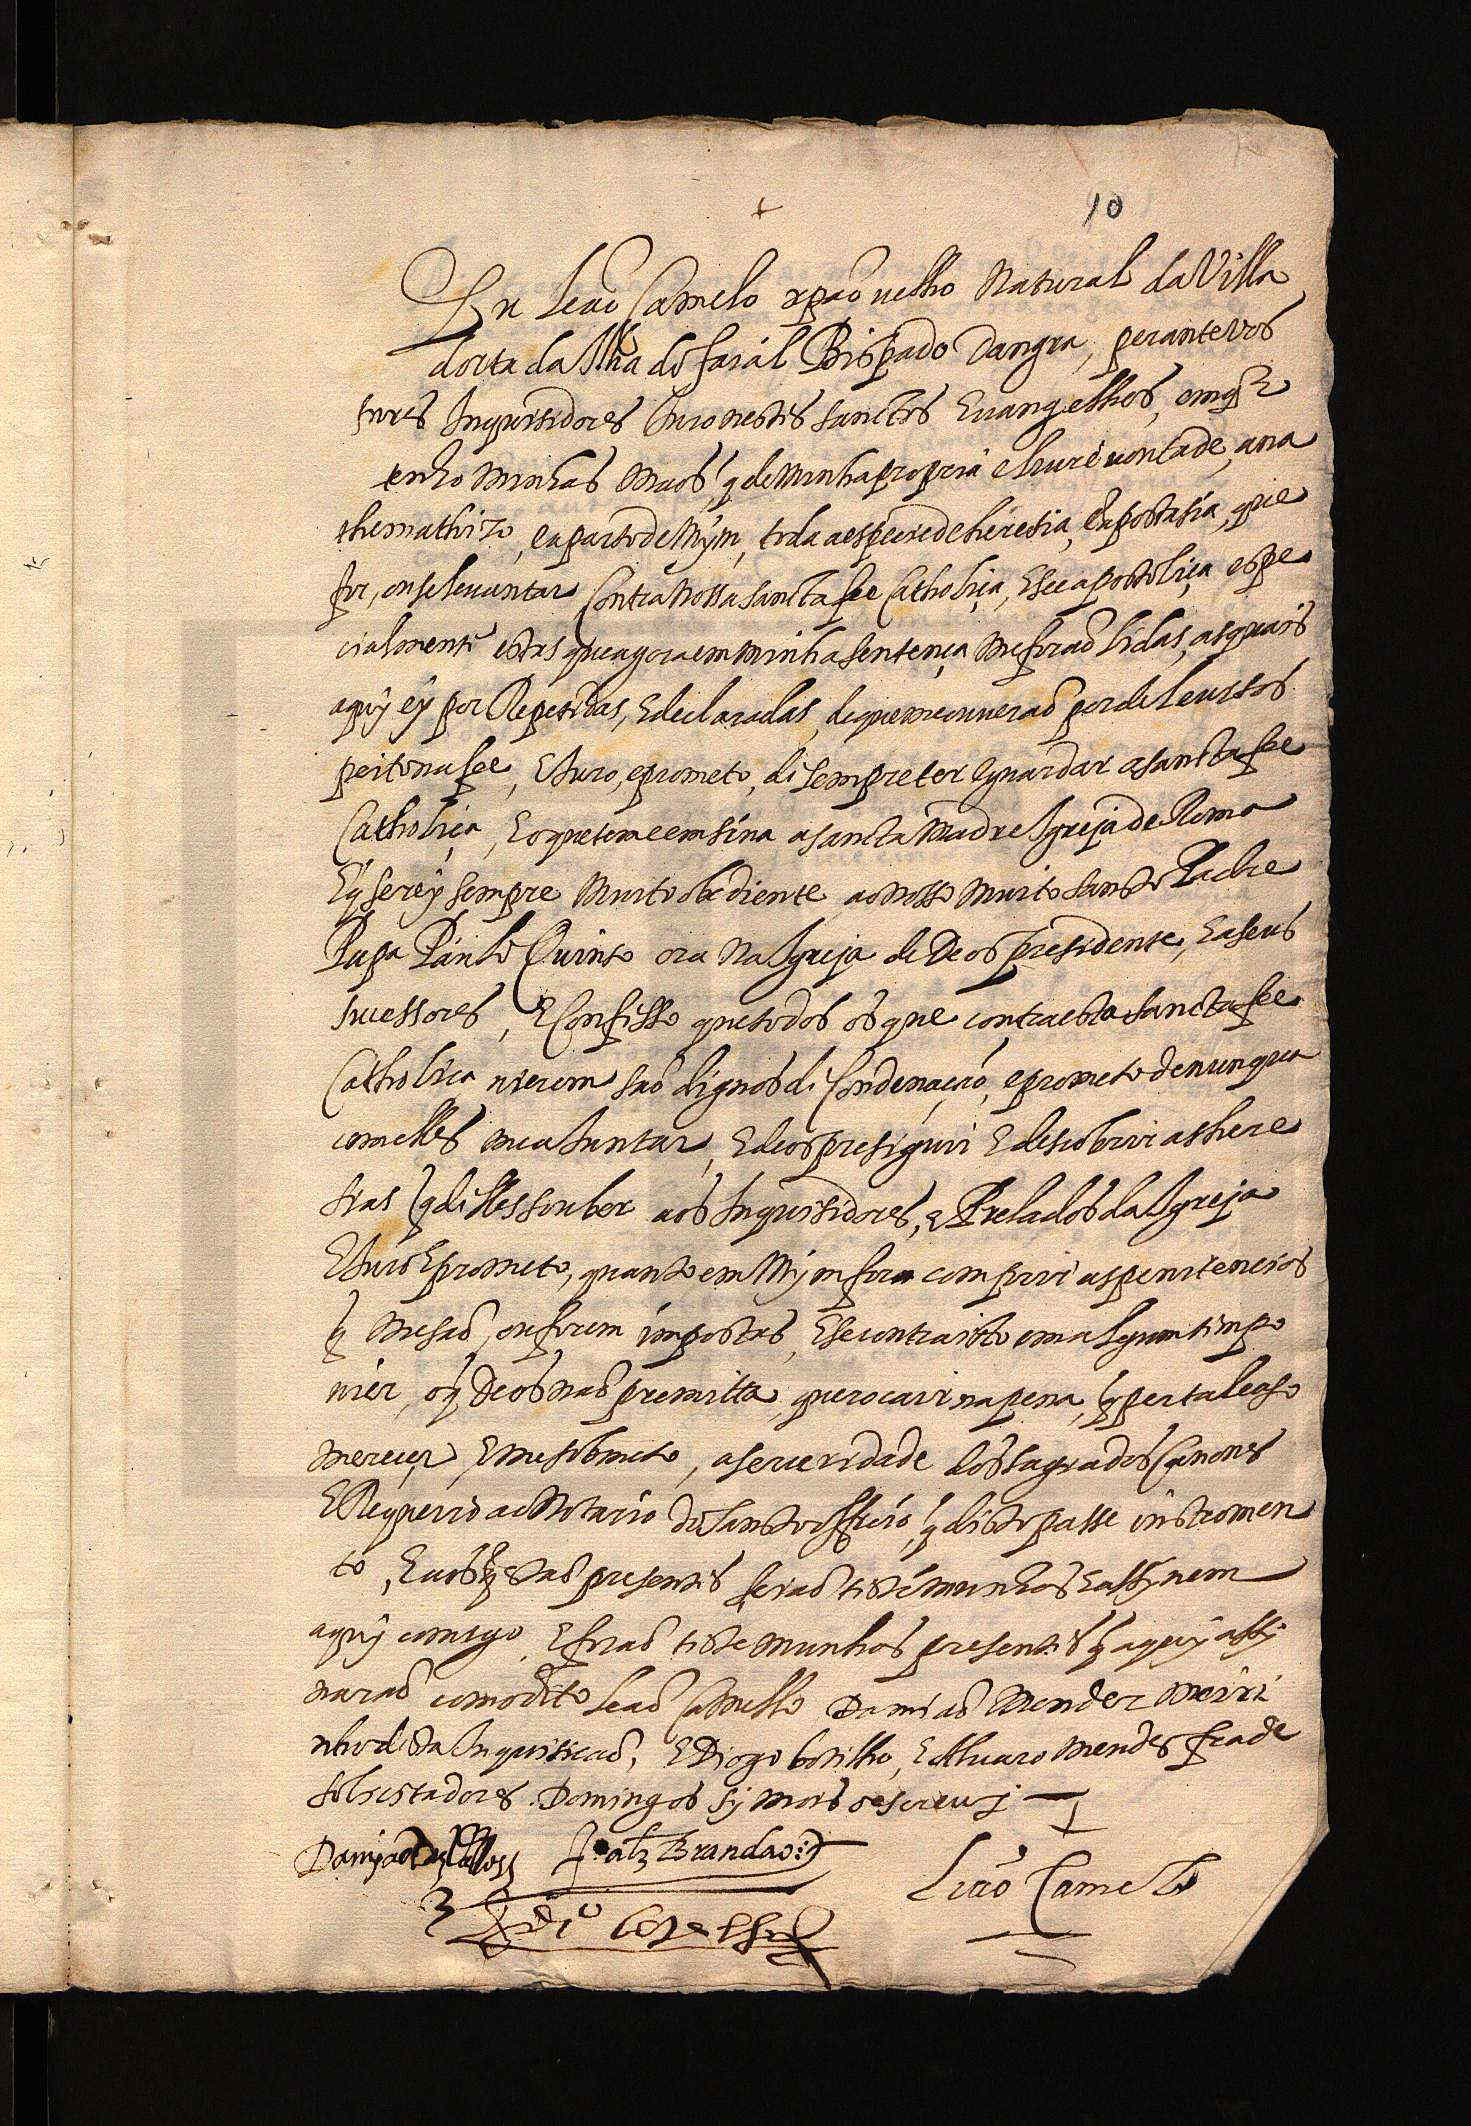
Eu leaõ Camelo xpaõ uelho natural da Villa
dorta da Ilha do faial Bispado Dangra, perante vos
snres Inquisidores Iuro nestes sanctos Euangelhos, em q̄
tenho minhas maõs, q̄ de minha propria e liure uontade, ana
thematizo, e aparto de mym toda a especie de heresia, e apostasia, que
for, ou se leuantar Contra nossa sancta fee Catholica, E see apostolica espe
cialmente estas que agora em minha sentença me foraõ lidas, as quais
aquy ey por Repetidas, E declaradas, de que me ouueraõ por de leui sos
peito na fee, E Iuro, e prometo, de sempre ter guardar a sancta fee
Catholica, e o que tem e emsina a sancta madre Igreja de Roma
E q̄ serey sempre muito obediente ao nosso muito sancto Padre
Papa Paulo Quinto ora na Igreja de Deos presidente, E a seus
sucessores, E Confesso que todos os que contra esta sancta fee
Catholica vierem saõ dignos de Condenaçaõ, e prometo de nunqua
com elles me ajuntar, E de os preseguir E descobrir as here
sias q̄ delles souber aos Inquisidores, E Prelados da Igreja
E Iuro E prometo, quanto em mym fora comprir as penitencias
q̄ me saõ, ou forem impostas, E se contra isto em algum tempo
uier, o q̄ Deos naõ premitta, quero cair na pena, q̄ por tal caso
merecer, e me sobmeto, a seueridade dos sagrados Canones
E Requeiro ao Notario do Sancto officio, q̄ disto passe instromen
to, E aos q̄ estaõ presentes seraõ testemunhas E assy nem
aquj comigo, E foraõ testemunhas presentes q̄ aquy assj
naraõ com o dito Leaõ Camello Damião mendez meiri
nho desta Inquisiçaõ, E Diogo botilho, e Aluaro Mendes frade
solicitadores. Domingos symois̄ o escreuj
Damiaõ _ez Vallos
J.o al̄z Brandaõ
Liaõ Camelo
